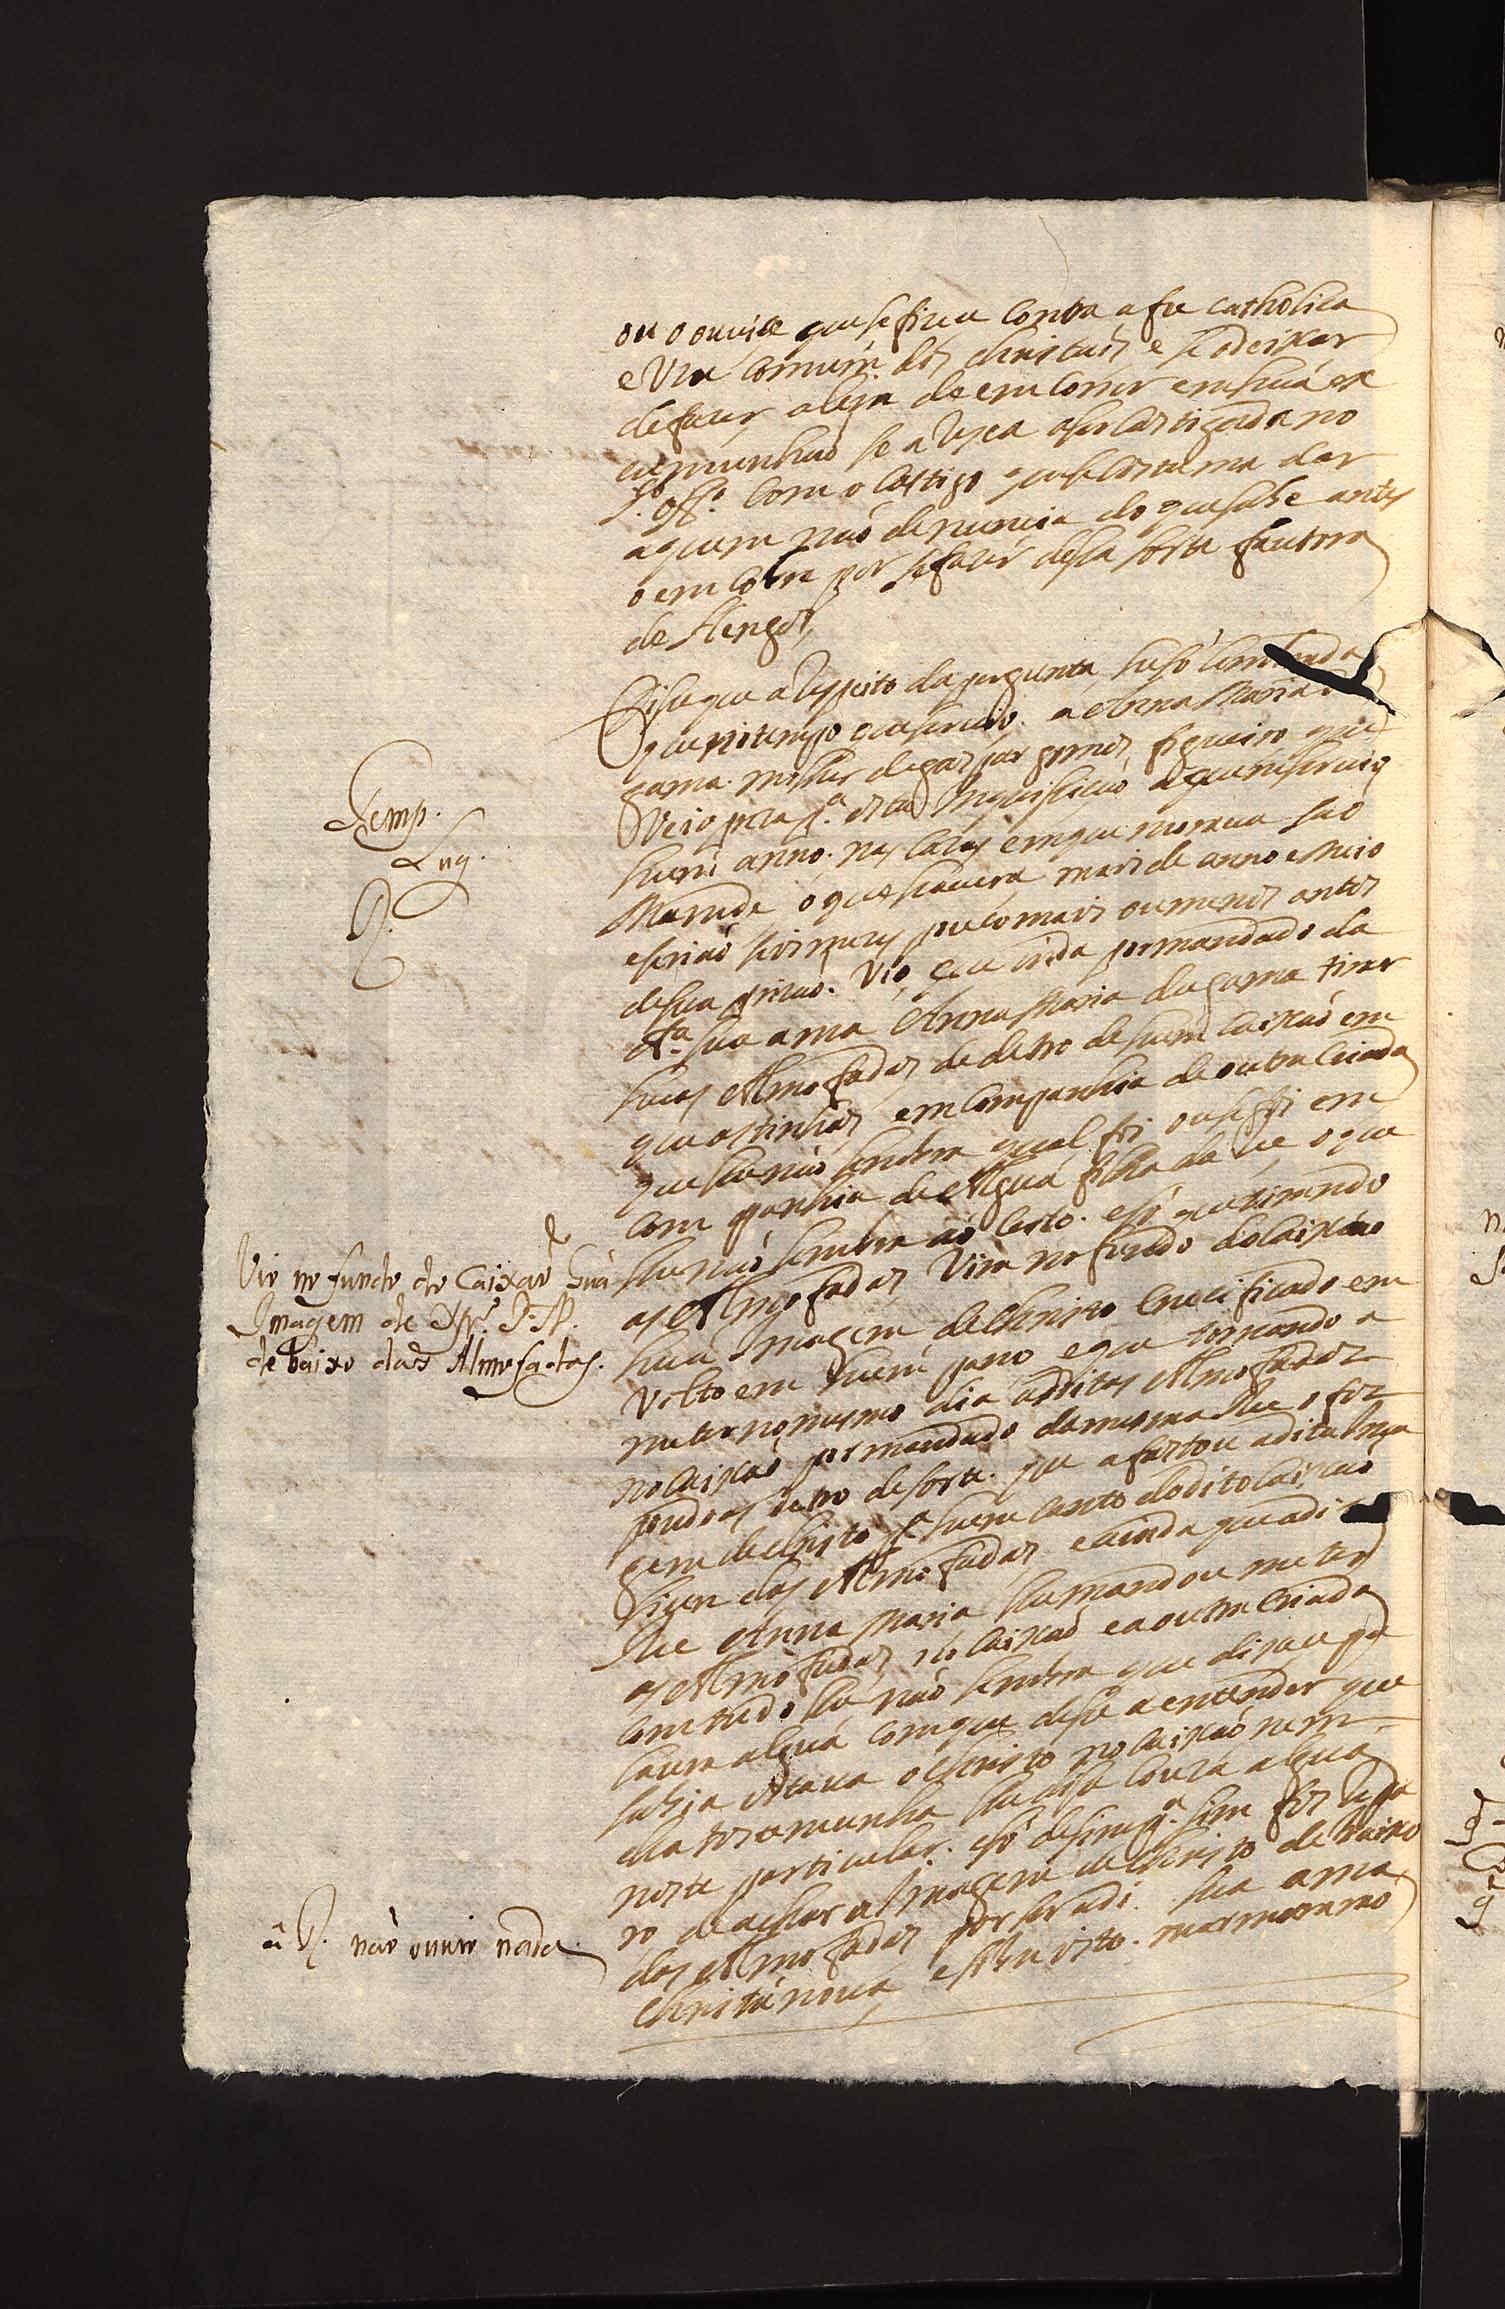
Temp.
Lug.
R.
Vio no fundo do Caixaõ huã
Imagem de Xp.o S̄. N.
debaixo das Almofadas.
a R. naõ ouuio nada
ou o ouuise que se fizece contra a fee catholica
e vzo comum dos christaõs e se o deixar
de fazer alem de emcorrer em huā ex
cumunhaõ se aRisca a ser castigada no
s.o off.o com o castigo que se costuma dar
a quem naõ denuncia do que sabe antes
o emcobre por se fazer dessa sorte fautora
de Hereges,
Disse que a Respeito da pergunta he so Conteuda
que no tempo que seruio, a Anna Maria de
gama molher de gaspar gomes figueiro que
Veio preza p.a esta Inquisiçaõ a quem seruio
hum anno nas cazas em que moraua saõ
Mamde o que hauera mais de anno e meio
e seriaõ seis mezes pouco mais ou menos antes
de sua prizaõ. Vio, que inda por mandado da
d̄.a sua ama Anna Maria de gama tirar
huas Almofadas de detro de hum caixaõ em
que as tinhaõ em companhia de outra criada
que lhe naõ lembra qual foi ou se foi em
companhia de Alguã filha da re, o que
lhe naõ lembra ao certo e só quezimndo
as Almofadas vira no fundo do caixão
huā Imagem de christo crucificado em
volto em hum̄ pano e que tornando a
meter no mesmo dia as ditas Almofadaz
no caixaõ por mandado da mesma Ree o fez
pondoas detro de sorte que afastou a dita Ima
gem de christo pa hum canto do dito caixaõ
liure das Almofadas, e ainda que a di_
Ree Anna maria lhe mandou meter
as Almofadas no caixaõ e a outra criada
com tudo lhe naõ lembra que discece pa
laura alguā com que disse a entender que
sabia estaua o christo no caixaõ nem
ella testemunha lhe disse couza algua
neste particular. e só de sim p.a sim fez Repa
ro de achar a Imagem de christo debaixo
das Almofadas por ser a di. sua ama
christã noua e sobre isto murmuraraõ
